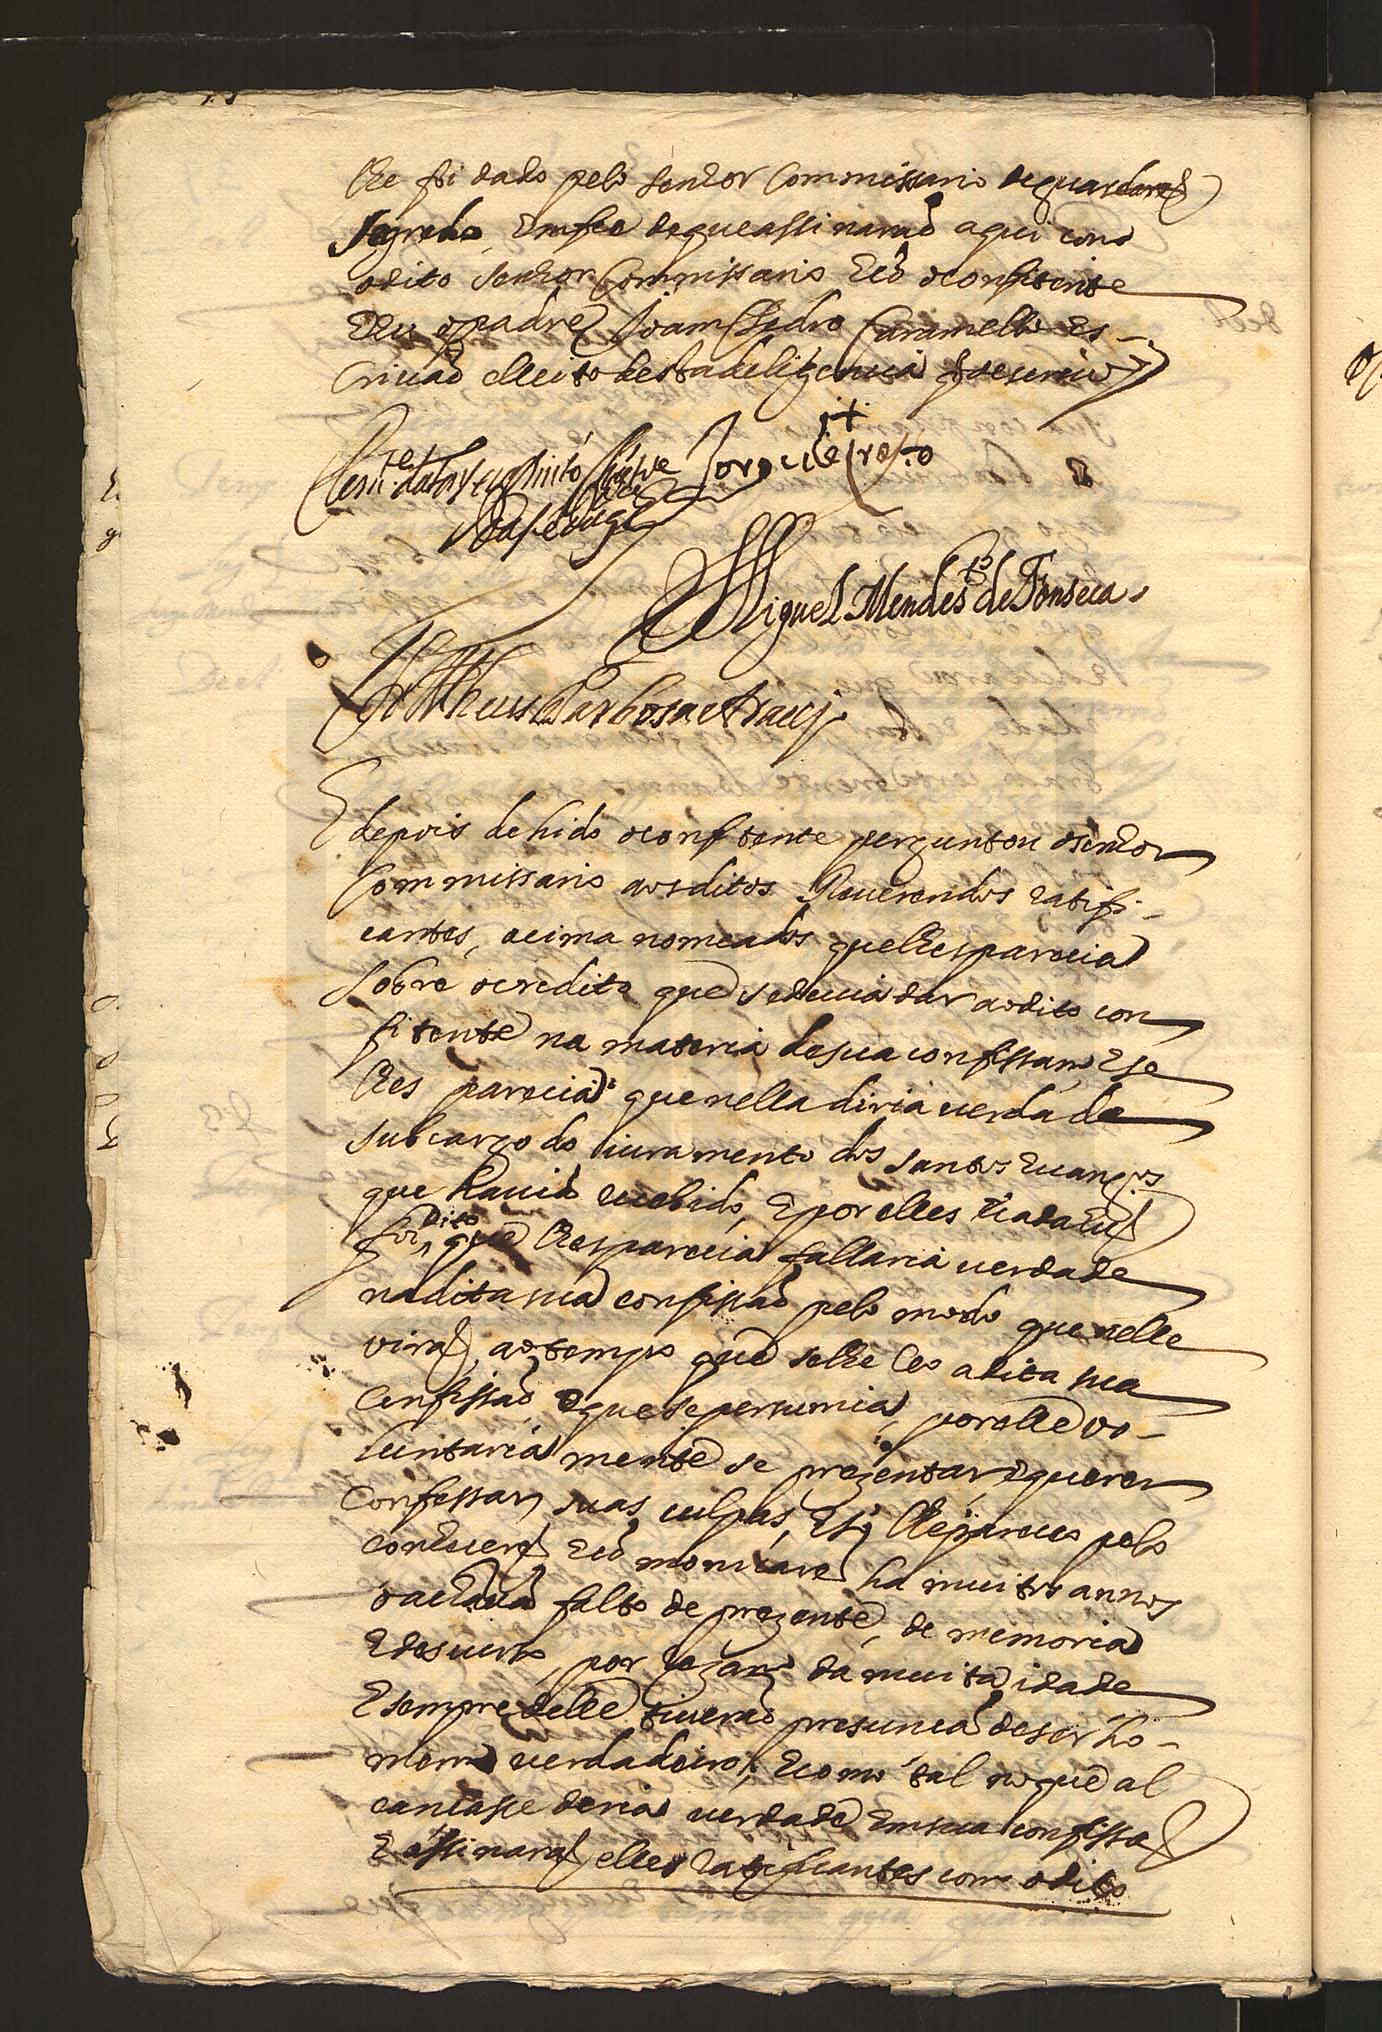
lhe foi dado pelo senhor Commissario de guardarē
Segredo Em fee de que assinaraõ aqui con o
o dito senhor Commissario E cō o confitente
E Eu o padre Joam Pedro Caramello Es
criuaõ elleito desta deligencia q̄ o escreuj
Clem.te da Fonseca pinto Chātre
da sé da gda
Jorge de Crasto
Miguel Mendes de Fonseca
Fr Mheus Barbosa Araujo
E depois de hido o confitente perguntou o senhor
Commissario aos ditos Reuerendos ratifi
cantes, acima nomeados que lhes parecia
sobre o credito que se deuia dar ao dito con
fitente na materia de sua confissam, E se
lhes parecia que nella diria uerdade
sub cargo do iuramento dos santos Euang.os
que hauiā recebido, E por elles e cada huꝭ
dito
foi que lhes parecia fallaria uerdade
na dita sua confissaõ pelo modo que nelle
viraõ, ao tempo que se lhe leo a dita sua
confissaõ e que se persumia por elle vo
luntariamente se prezentar e querer
confessar suas culpas, E só lhe pareceo pelo
conhecereꝭ E cōmonicarē ha muitos annos
o achauā falto de prezente, de memoria
E descurso, por Razam da muita idade
E sempre delle tiueraõ presunçaõ de ser ho
mem uerdadeiro, E como tal no que al
cançasse deria uerdade Em sua confissaõ
E assinaraõ elles rateficantes com o ditto
